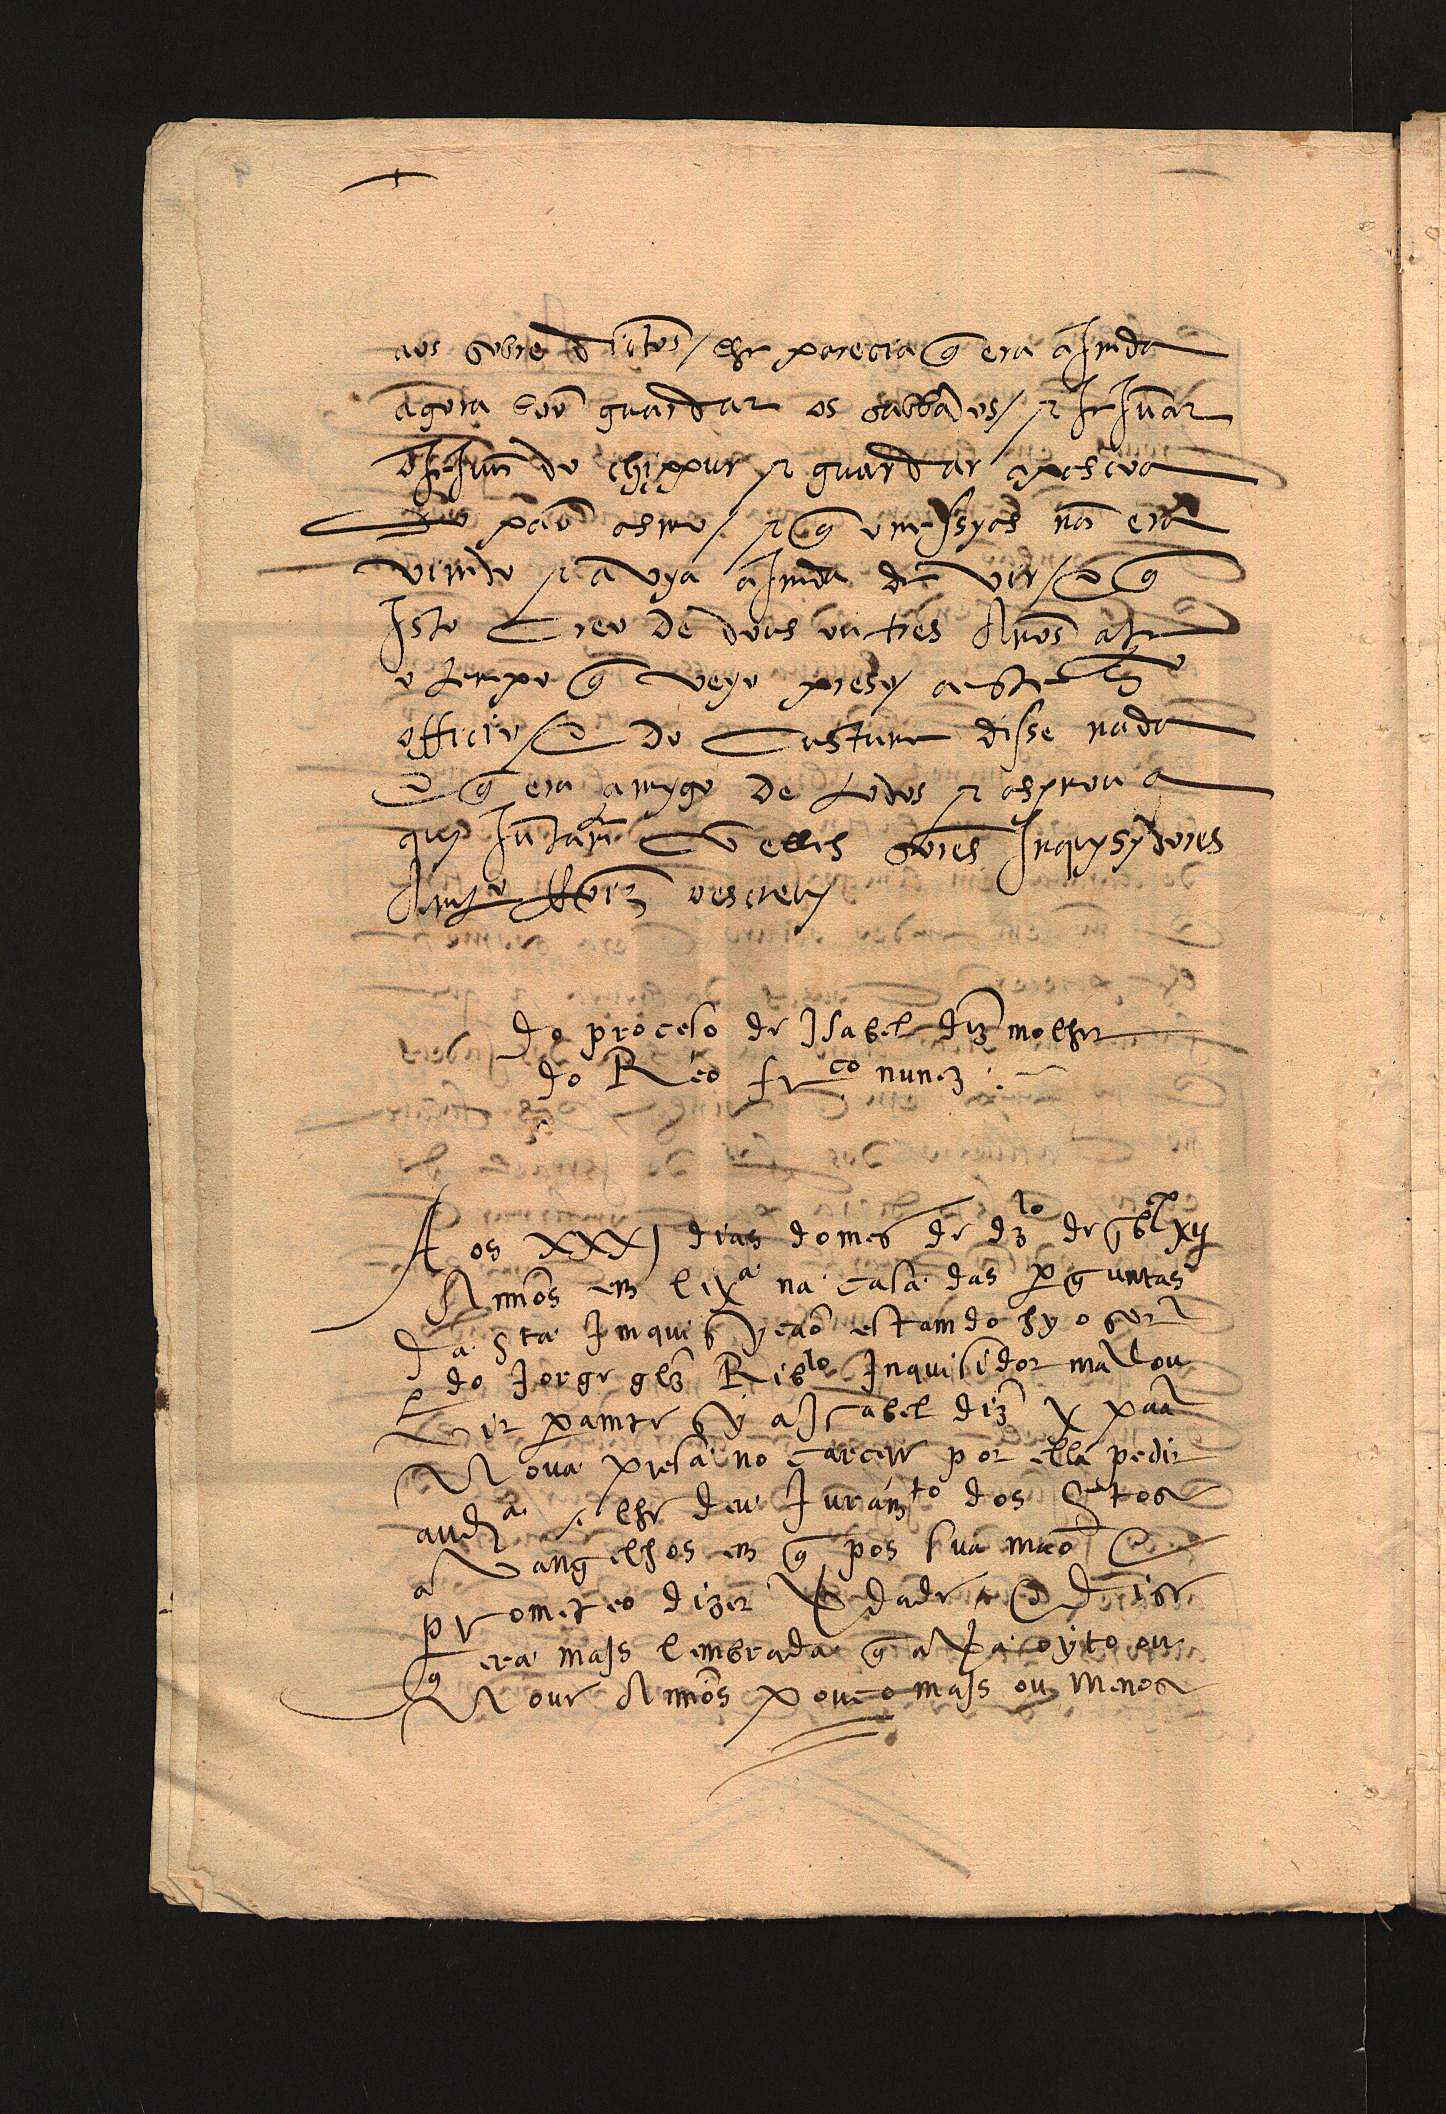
aos sobredictos / lhe parecia q̄ era aJmda
agora bōo guardar os sabbados / e JeJūar
o JeJūu do chippur e guardar a pascoa
do pão asmo / e q̄ o messyas nā era
vimdo e avya aJmda de vir / e q̄
Jsto Creo de dous ou tres An̄os ate
o tempo q̄ veyo preso / a este Sto
officio / e do Custume disse nada
e q̄ era amygo de todos e asynou a
quj Jūtamte Cō elles sōres Jnquysydores
Amto Rōiz o escreuy
do proceso de Isabel dīz molher
do Reo frco nunez
Aos XXXj dias do mes de dzro de jbclxij
Annōs em lixa na casa das ꝑguntas
da sta. Jmquisycaõ estamdo hy o sor̄
Ldo Jorge glz̄ Ribro Jnquisidor mādou
vir ꝑamte sy a Jsabel dīz Xpãa
Noua presa no carcere por ella pedir
audia /. lhe deu Juramto dos Stos
avangelhos em q̄ pos sua mão e
prometeo dizer Ꝟdade / e dise
q̄ era majs lembrada q̄ aꝟa oyto ou
Noue Ann̄os pouco majs ou menos
